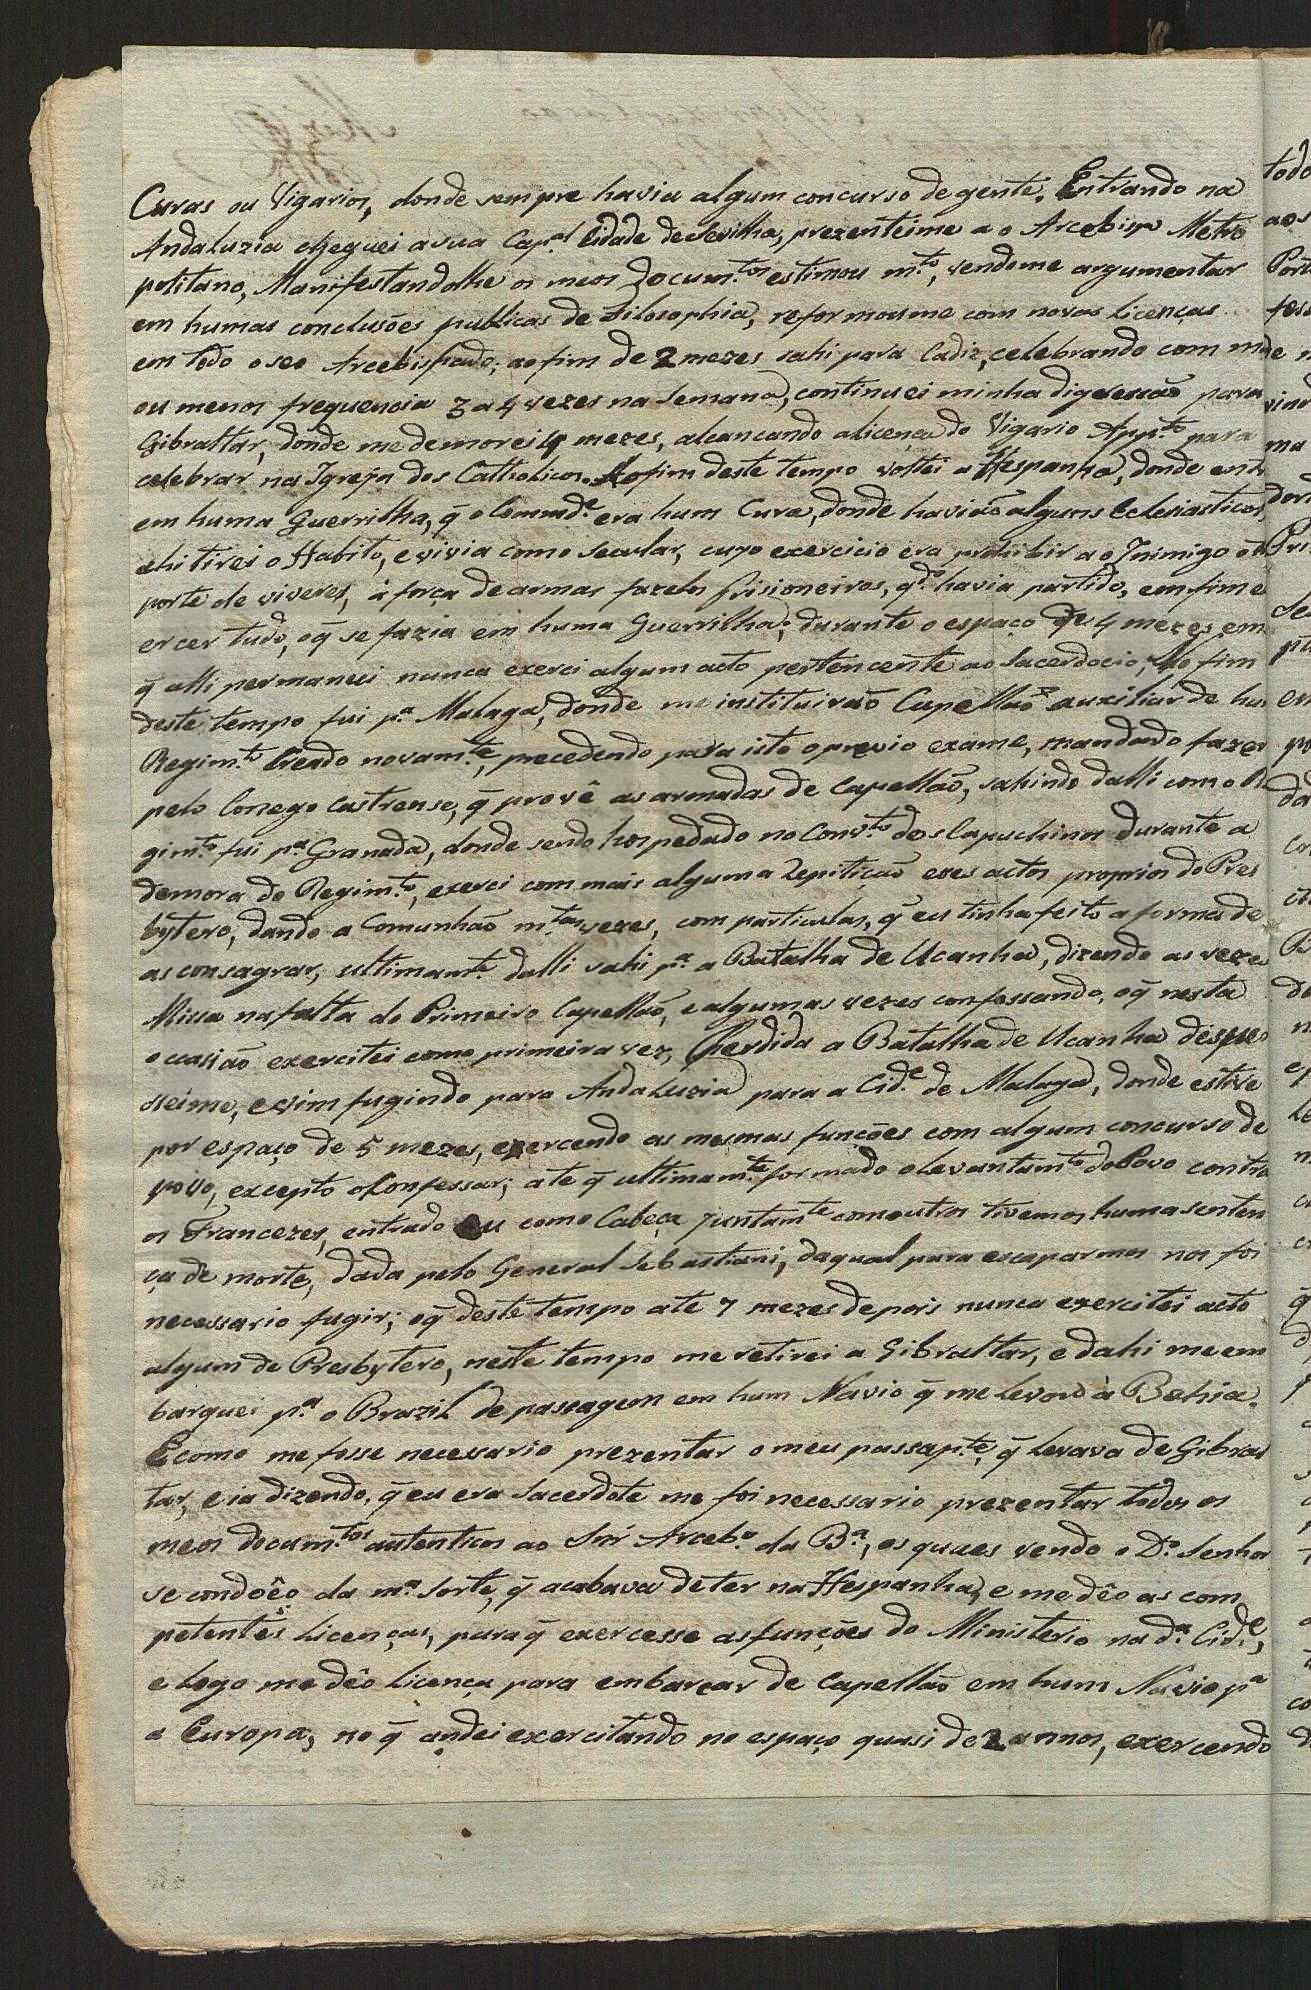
Curas ou Vigarios, donde sempre havia algum concurso de gente. Entrando na
Andaluzia cheguei a sua Cap.al Cidade de sevilha, prezenteime ao Arcebispo Metro
politano, Manifestandolhe os meos docum.tos estimou m.to, vendome argumentar
em humas conclusões publicas de Filosophia, reformoume com novas Licenças.
em todo o seo Arcebispado; ao fim de 2 mezes sahi para cadiz, celebrando com m
ou menos frequencia 3 a 4 vezes na semana, continuei minha digressaõ para
Gibraltar, donde me demorei 4 mezes, alcançando a licença do Vigario App.to para
celebrar na Igreja dos Catholicos. Ao fim deste tempo voltei a Hespanha, donde entr
em huma Guerrilha, q̄ o Commd.e era hum Cura, donde haviaõ alguns Eclesiasticos,
ahi tirei o Habito, e vivia como secular, cuyo exercicio era prohibir ao Jnimigo o
porte de viveres, à força de armas fazelos prisioneiros, q.do havia partido, emfime
ercer tudo, o q̄ se fazia em huma Guerrilha; durante o espaço de 4 mezes, em
q̄ alli permaneci nunca exerci algum acto pertencente ao sacerdocio, No fim
deste tempo fui p.a Malaga, donde me instituiraõ Capellaõ auxiliar de hu
Regim.to creado novam.te, precedendo para isto o previo exame, mandado fazer,
pelo Conego castrense, q̄ provê as armadas de capellaõ, sahindo dalli com o R
gim.to fui p.a Granada, donde sendo hospedado no conv.to dos Capuchinos durante a
demora do Regim.to, exerci com mais alguma Repitiçaõ esses actos proprios do Pres
bytero, dando a Comunhaõ m.tas vezes, com particulas, q̄ eu tinha feito a forma de
as consagrar, ultimam.te dalli sahi p.a a Batalha de Ucanha, dizendo as vezes
Missa na falta do Primeiro Capellaõ, e algumas vezes confessando, o q̄ nesta
occasiaõ exercitei como primeira vez, Perdida a Batalha de Ucanha despe
sseime, e vim fugindo para AndaLuzia para a Cid.e de Malaga, donde estive
por espaço de 5 mezes, exercendo as mesmas funções com algum concurso de
povo, excepto o Confessar; ate q̄ ultimam.te formado o Lavantamto do Povo contra
os Francezes, entrado _u como Cabeça juntam.te com outros tivemos huma senten
ça de morte, dada pelo General sebastiani, da qual para escaparmos nos foi
necessario fugir; o q̄ deste tempo ate 7 mezes depois nunca exercitei acto
algum de Presbytero, neste tempo me retirei a Gibraltar, e dahi me em
barquei p.a o Brazil de passagem em hum Navio q̄ me Levou à Bahia.
E como me fosse necessario prezentar o meu passap.te, q̄ levava de Gibral
tar, e ia dizendo, q̄ eu era sacerdote me foi necessario prezentar todos os
meos docum.tos autenticos ao Snr̄ Arceb.o da B.a, os quaes vendo o D.o Senhor
se condoêo da m.a sorte, q̄ acabava de ter na Hespanha, e me dêo as com
petentes Licenças, para q̄ exercesse as funções do Ministerio na d.a Cid.e,
e Logo me déo licença para embarcar de capellaõ em hums Navio p.a
a Europa, no q̄ andei exercitando no espaço quasi de 2 annos, exercendo
